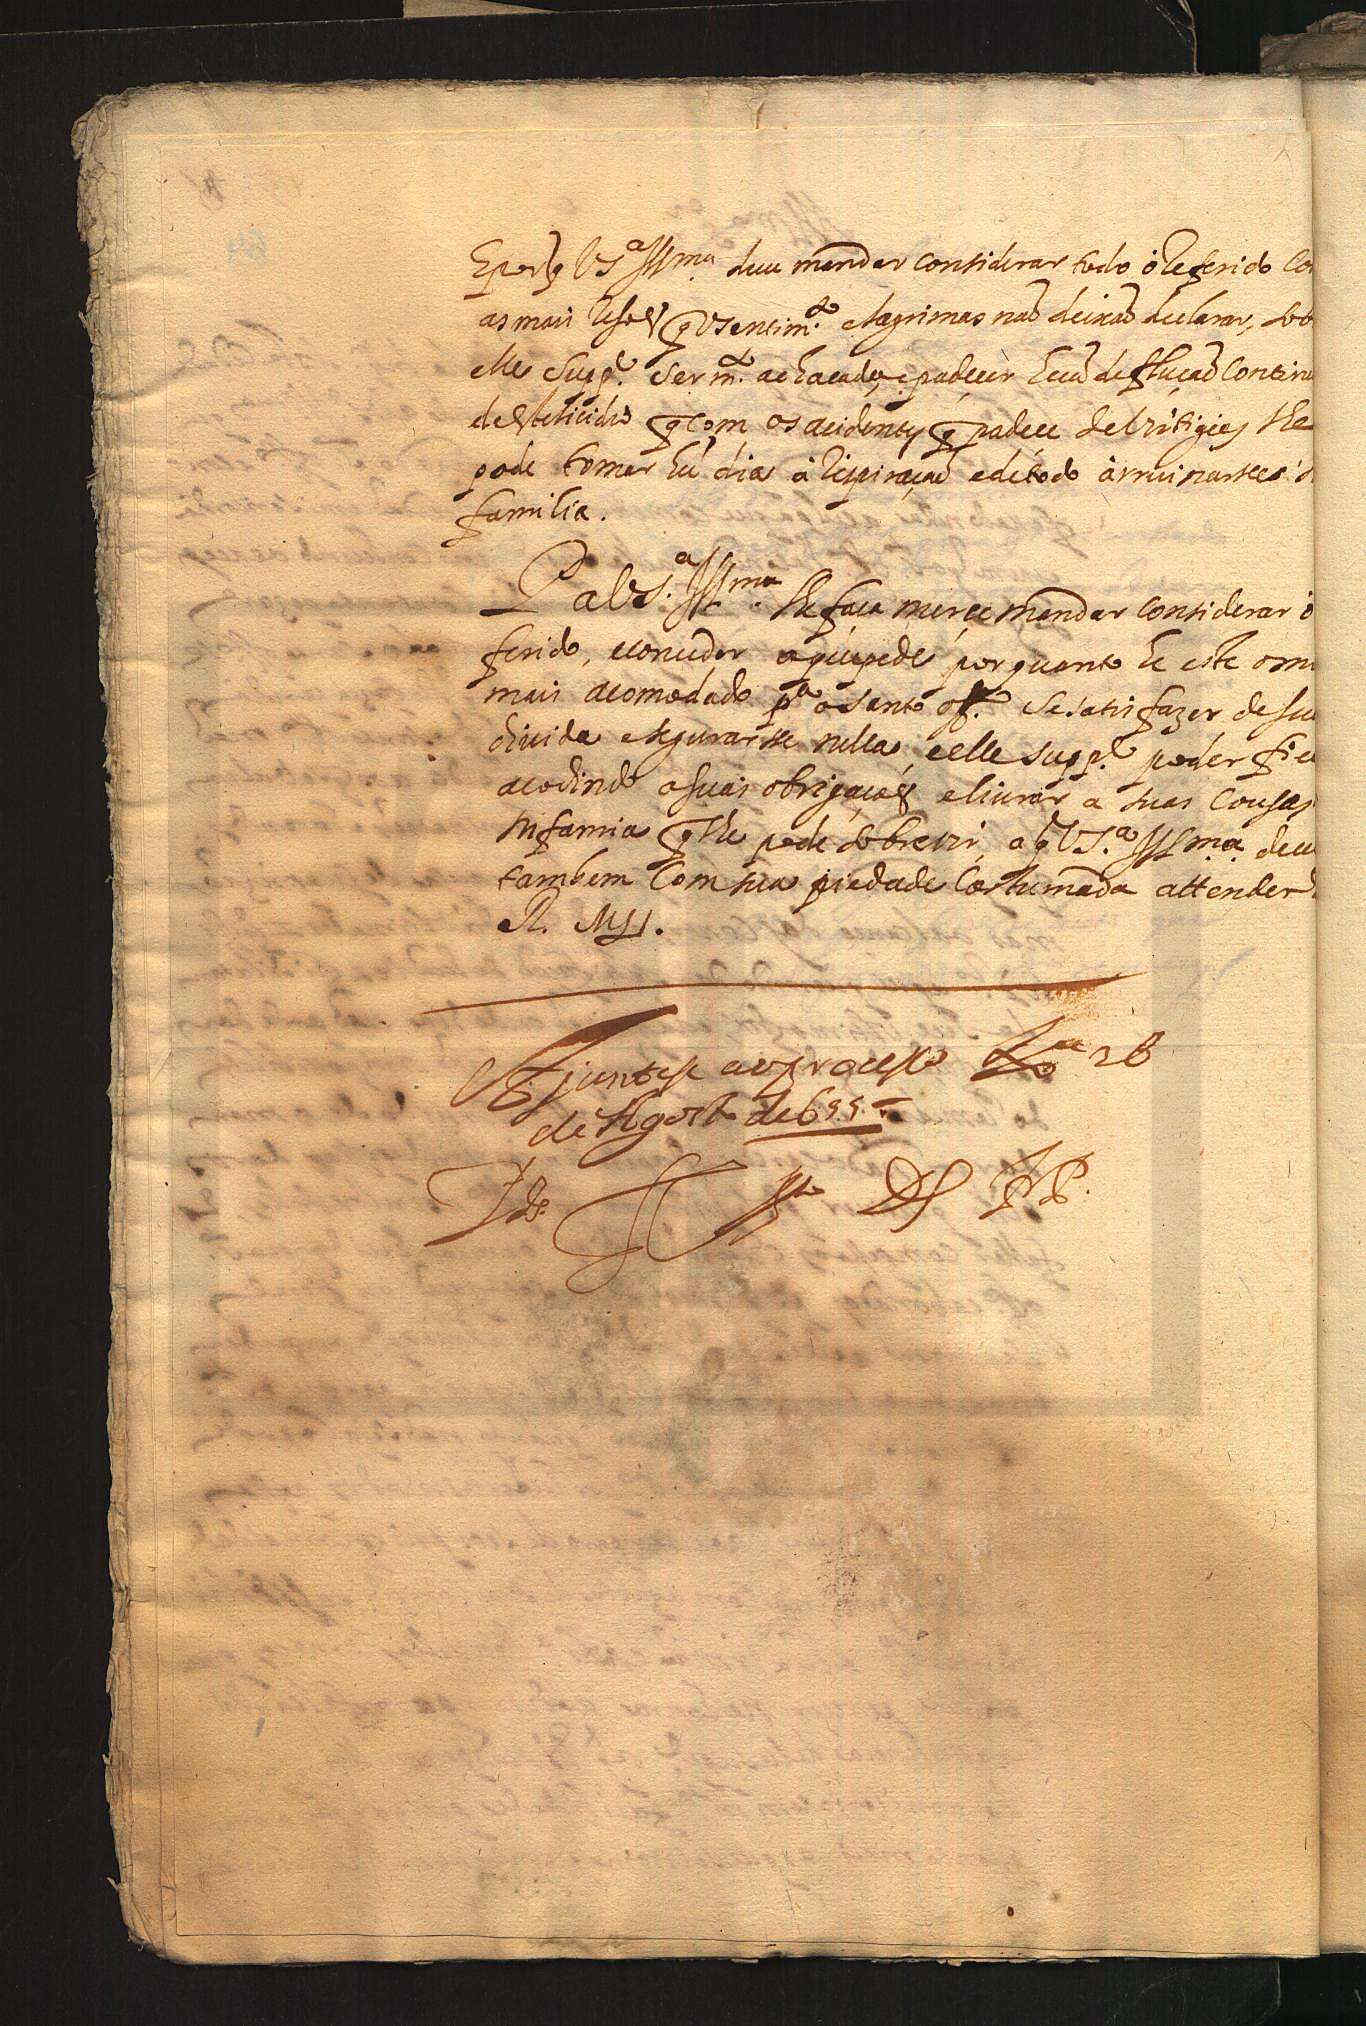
E porq̄ V sa Jll.ma deue mandar considerar todo o Referido co
as mais Resoẽs q̄ o sentim.to e lagrimas naõ deixaõ declarar, sob
elle Supp.e ser m.to achacado, e padecer huā defluçaõ continu
de estelicidio q̄ com os acidentes q̄ padece de Virtigies lhe
pode tomar hū dia a Respiraçaõ e de todo arruinar sua
familia.
P a V S.a Jll.ma lhe faça merce mandar considerar o
ferido, e conceder o que pede porquanto he este o m
mais acomodado pa o santo off.o se satisfazer de su
diuida e segurarsse nella e elle supp.e poder fic
acodindo a suas obrigaçoẽs, e liurar a suas cousas
infamia q̄ lhe pode sobrevir, o q̄ V S.a Jll.ma deu
tambem com sua piedade costumada attender
R. Mꝭ.
Ajuntesse ao processo Lxa 26
de Agosto de 655.
pco
D S
fr P.
Pds.
